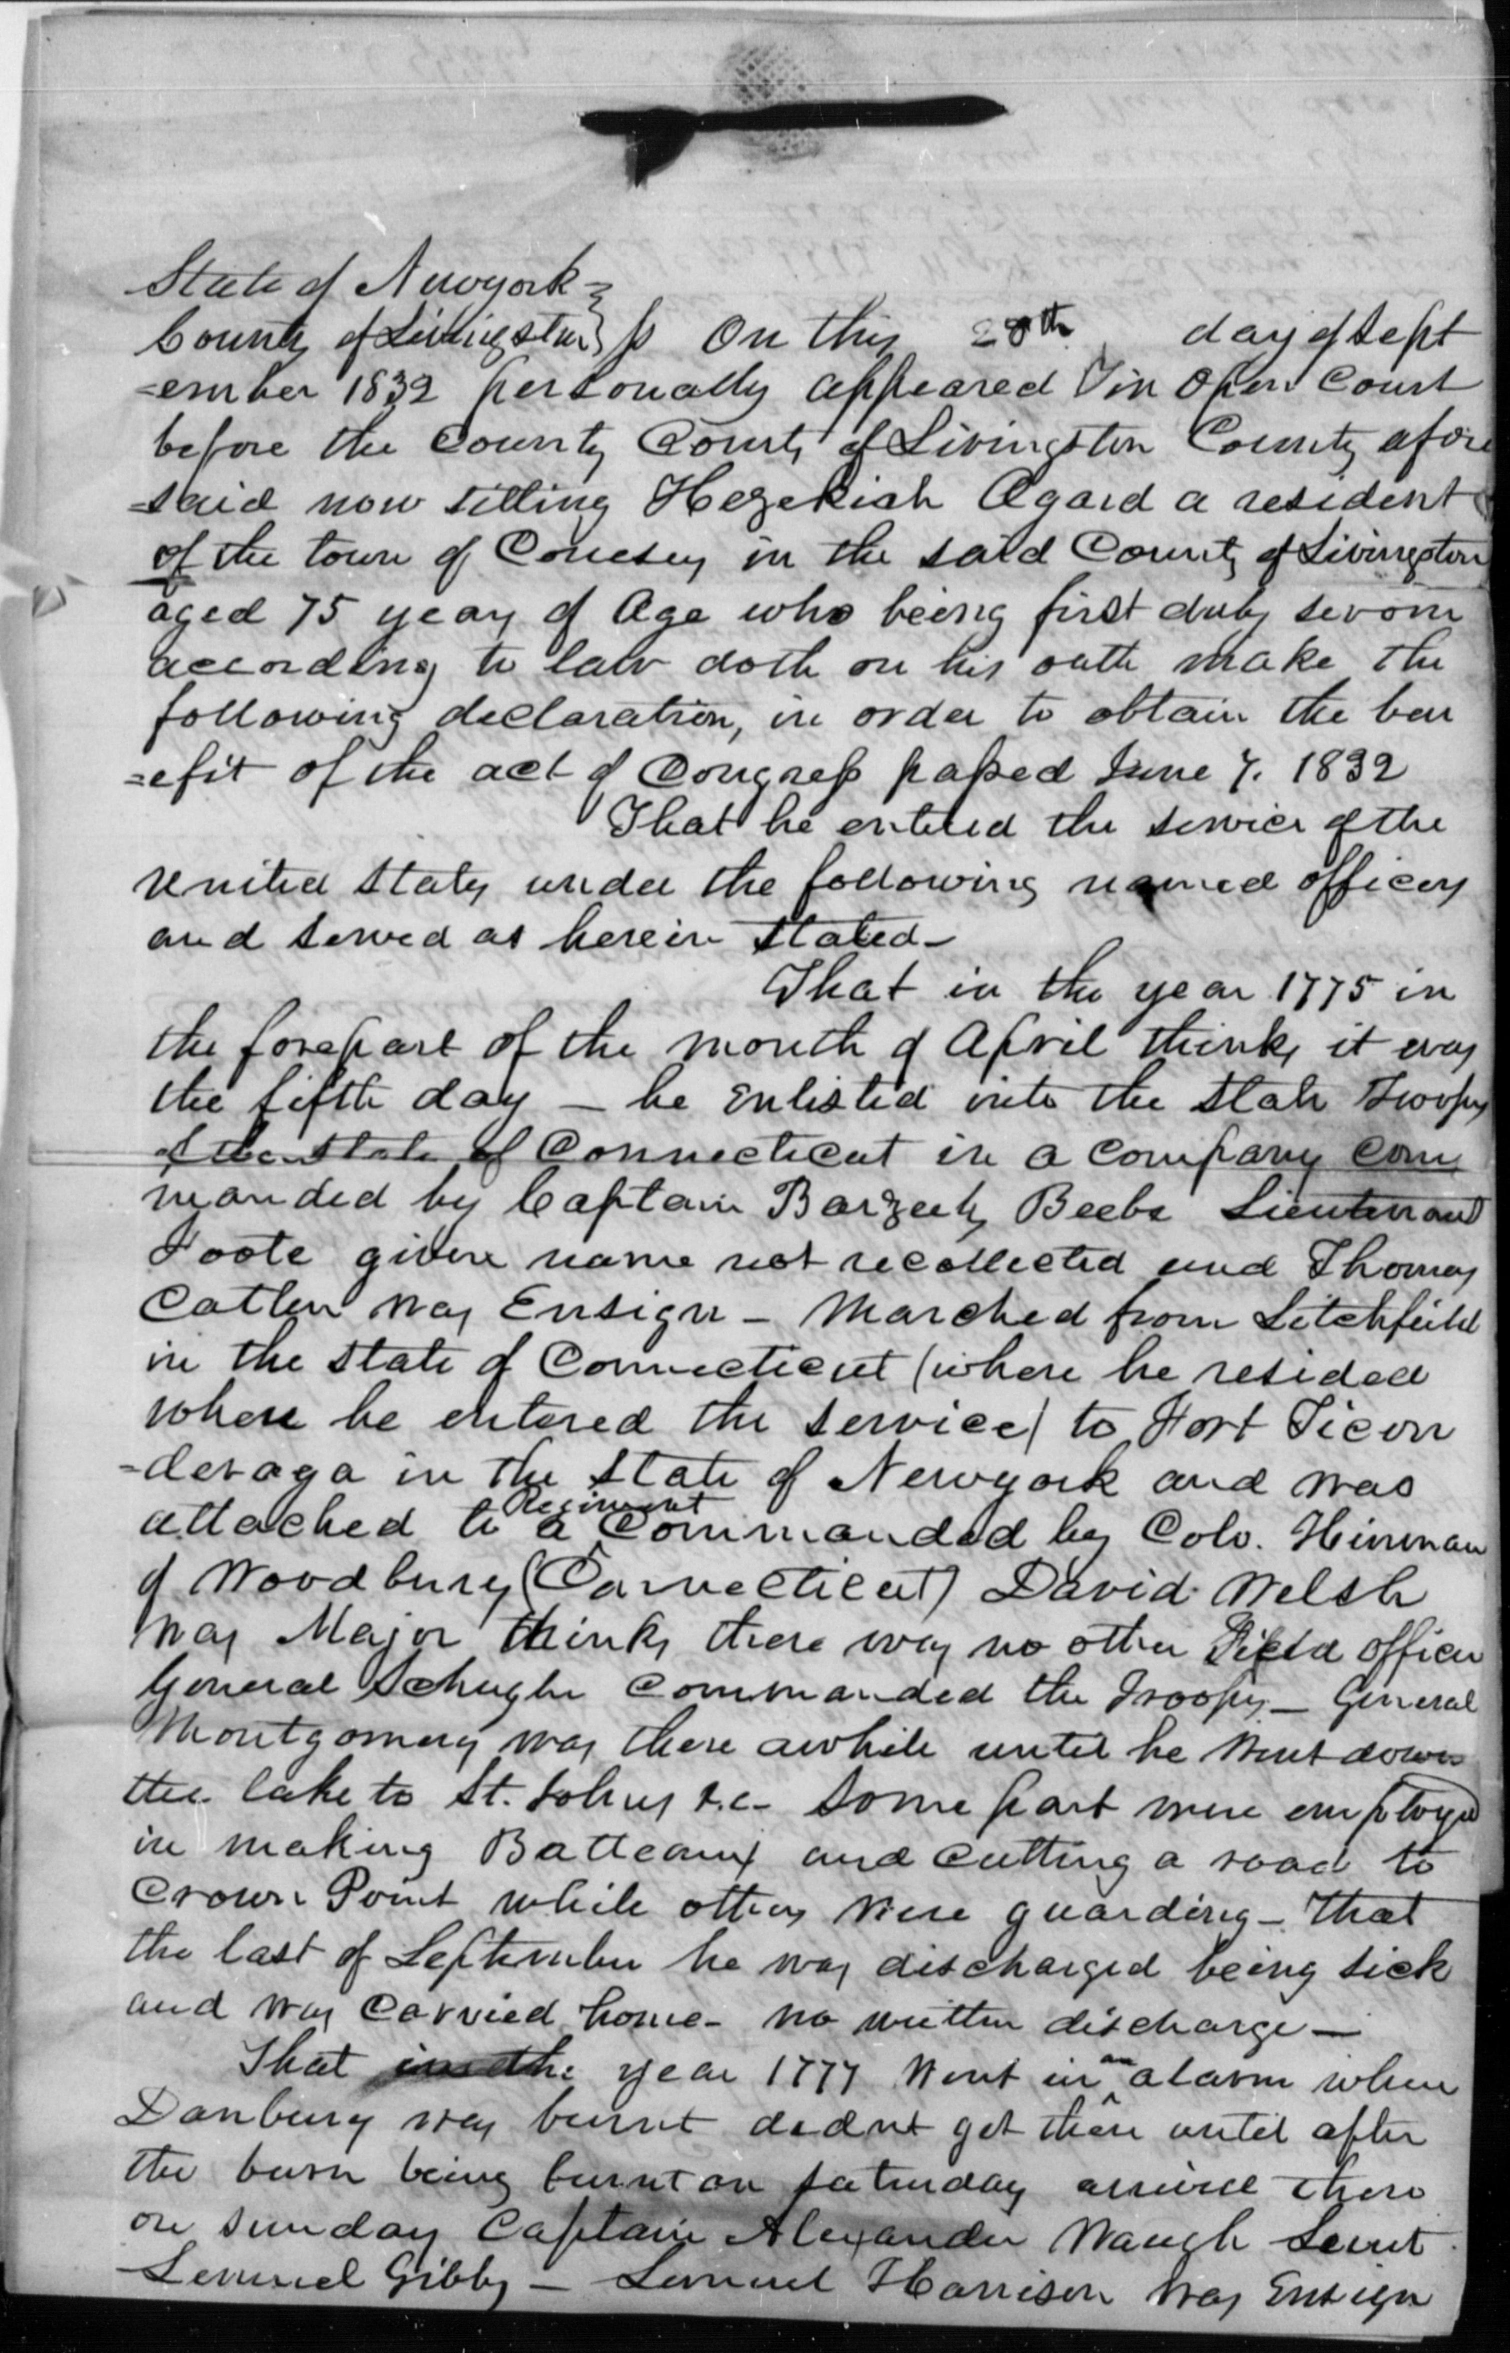State of New York
County
of Livingston ⎬ ss On this 28th day of September 1832 personally appeared in open court 
before the County Court of Livingston County aforesaid now sitting Hezekiah Agard a resident 
of the town of Consey in the said County of Livingston
aged 75 years of age who being first duly sworn
according to law doth on his oath make the
following declaration, in order to obtain the benefit of the act of Congress passed June 7, 1832
That he entered the service of the
United States under the following named officers
and served as herein stated-
That in the year 1775 in
the forepart of the month of April thinks it was
the fifth day - he enlisted into the State Troops
the State of Connecticut in a company commanded by Captain Bargely Beebe Lieutenant
Foote given name not recollected and Thomas
Catlin was Ensign - Marched from Litchfield
in the State of Connecticut (where he resided
where he entered the service) to Fort Ticonderoga in the State of New York and was
attached to a regiment Commanded by Colo. Hinman
of Woodbury Connecticut David Welsh
was Major think there was no other field officer
General Schugh commanded the Troops - General
Montgomery was there awhile until he went down
the lake to St. Johns &c. Some part were employed
in making Batteaux and cutting a road to
Crown Point while others were guarding - that the
last of September he was discharged being sick
and was carried home-- no written discharge-
That in the year 1777 went in an alarm when
Danbury was burnt didn't get there until after
the burn being burnt on Saturday arrive there
on Sunday Captain Alexander Waugh Lieunt
Samuel Gibbs - Samuel Harrison was Ensign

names: Foote, David Welsh, Alexander Waugh, Hinman, Hezekiah Agard, Schuyler, Lemuel Gibbs, Montgomery, Lemuel Harrison, Thomas Catlen, Bargeely Beebe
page: 4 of 19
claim: survivor's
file: S. 23,092, Hezekiah Agard, Conn.